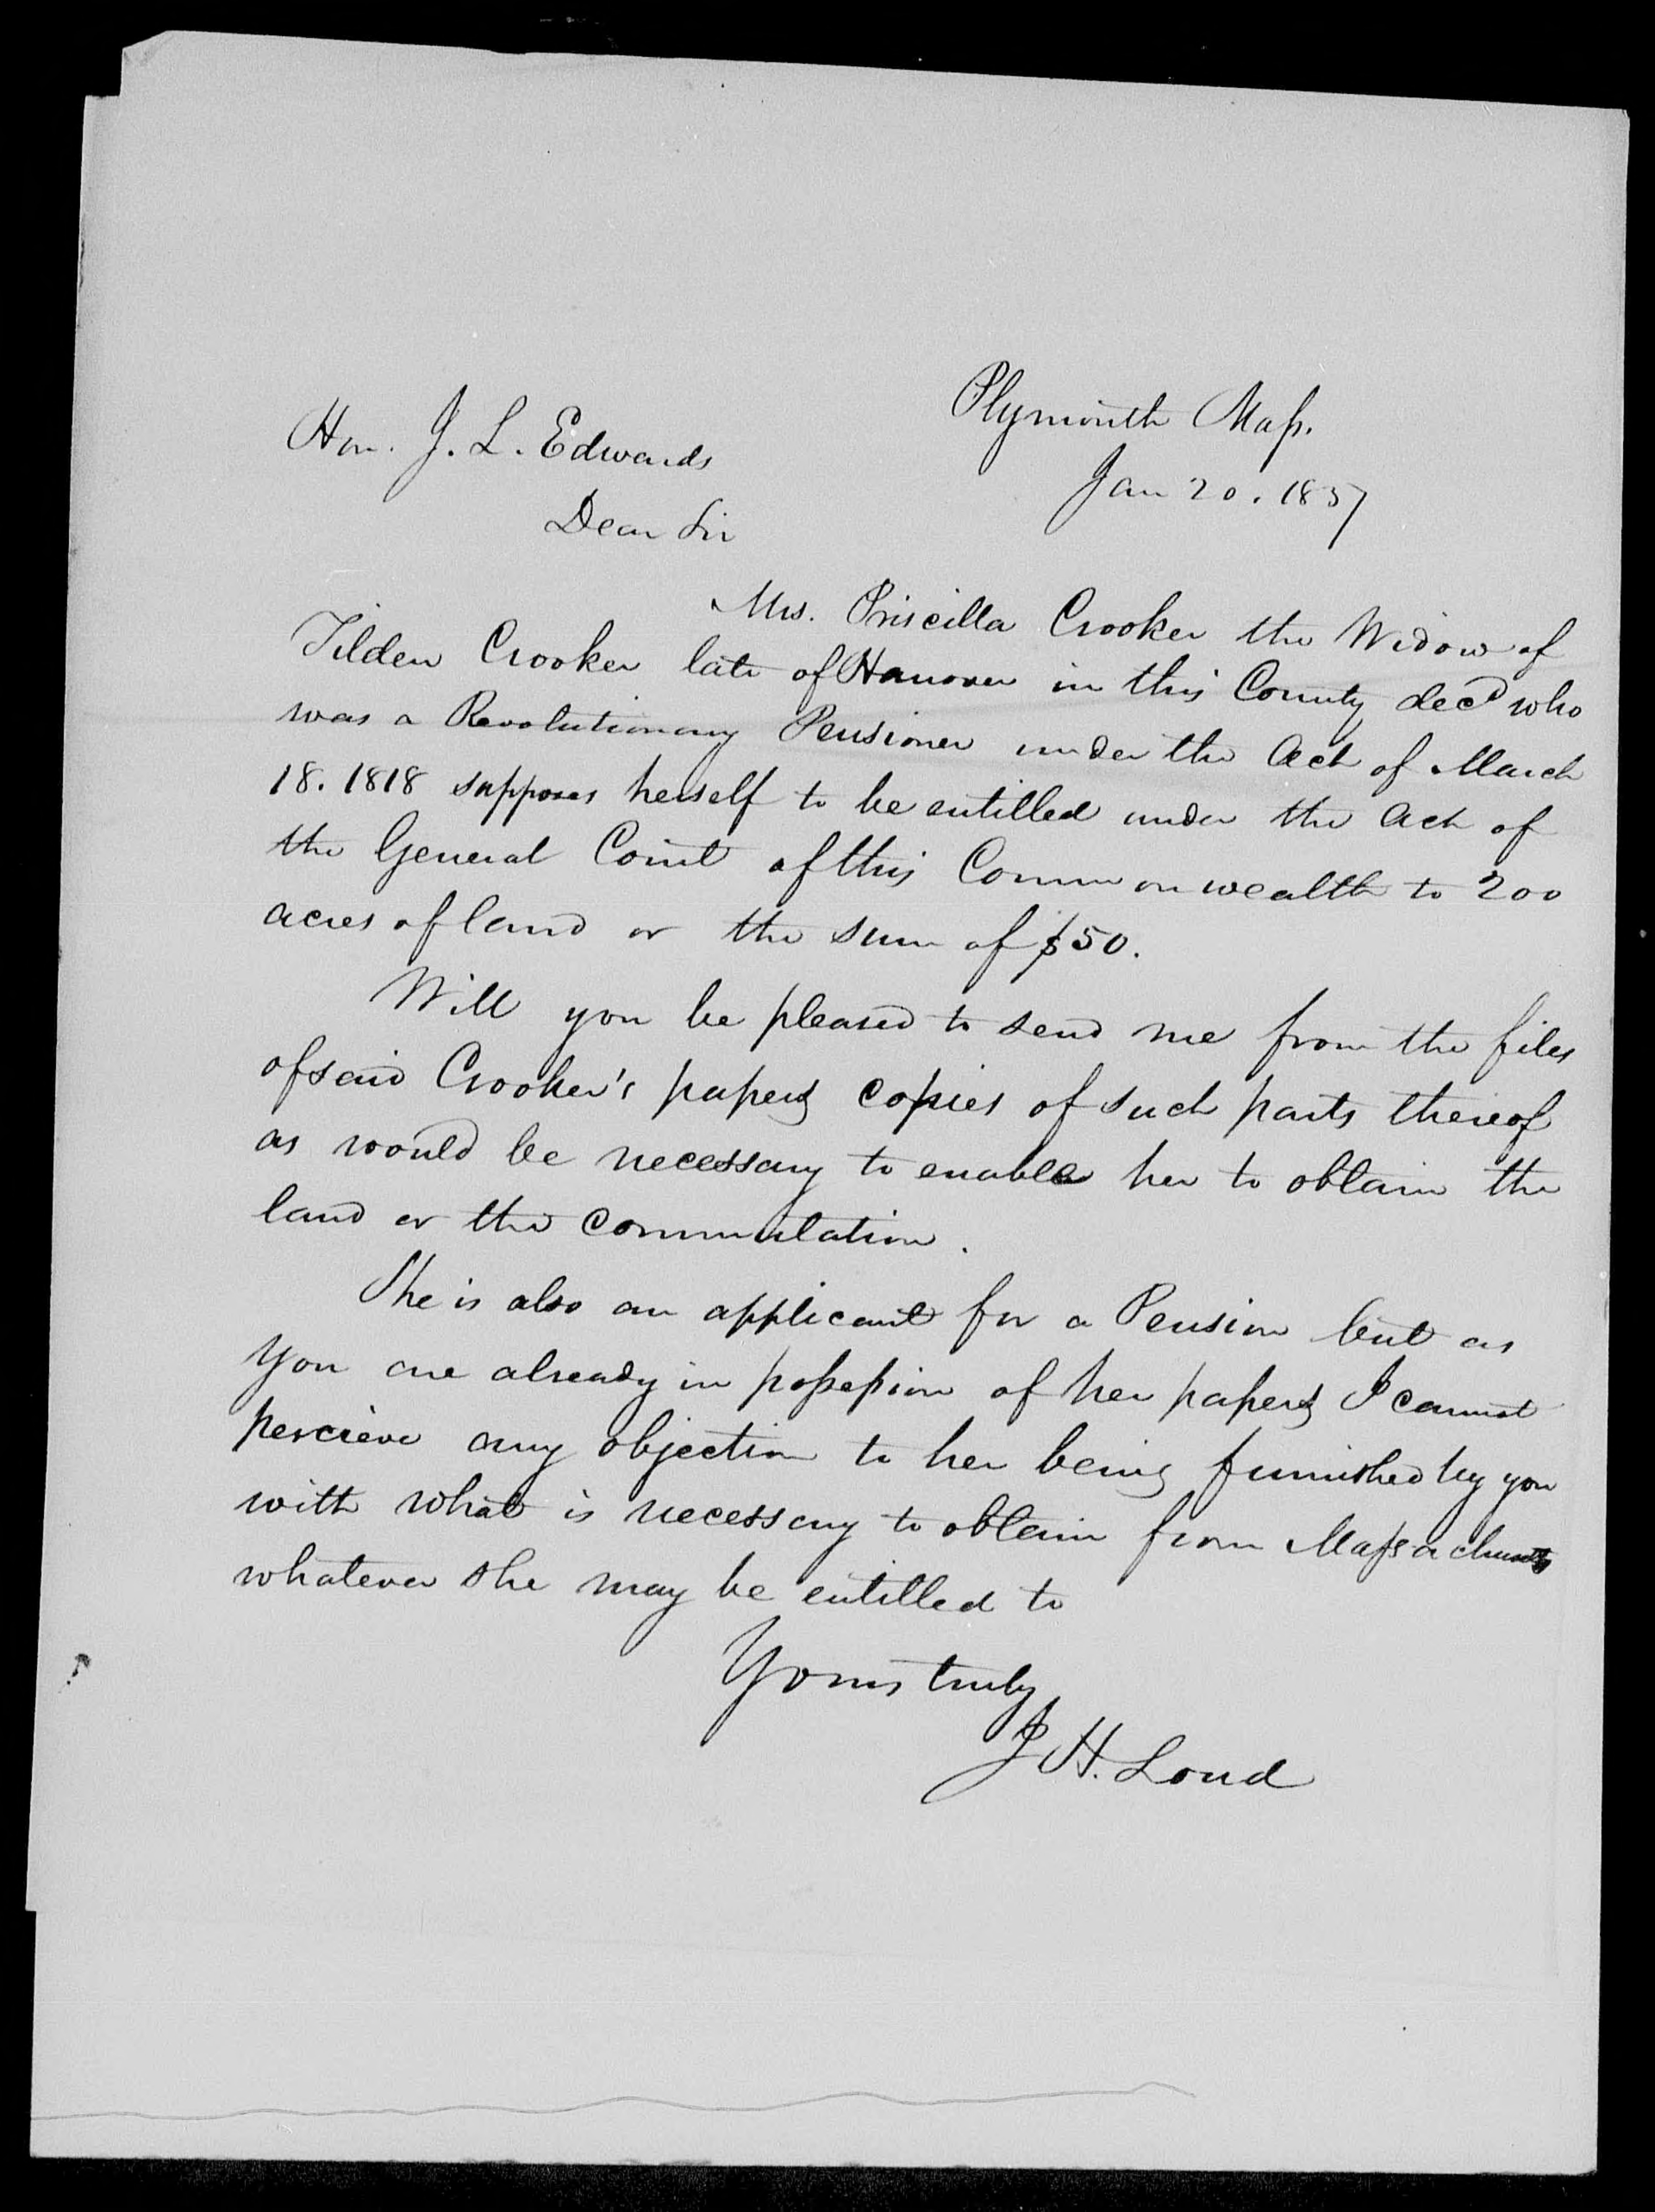Plymouth, Mass.
Jan.20, 1857


Hon. J.L. Edwards

Dear Sir:

Mrs. Priscilla Crooker the widow of Tilden Crooker late of Hanover in this County deceased who was a Revolutionary Pensioner under the Act of March 18,1818, supposes herself to be entitled under the Act of the General Court of this Commonwealth to 200 acres of land or the sum of $50.
Will you be pleased to send me from the files of said Crooker's papers copies of such parts thereof as would be necessary to enable her to obtain the land or the commutation.
She is also an applicant for a Pension but as you are already in possession of her papers I cannot perceived any objection to her being furnished by you with what is necessary to obtain from Massachusetts whatever she may be entitled to,

Yours truly,

J.H. Loud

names: J H Loud, Crooker, J L Edwards, Priscilla Crooker, Tilden Crooker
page: 24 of 33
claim: widow's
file: W. 22862, Tilden Crooker, Mass Navy